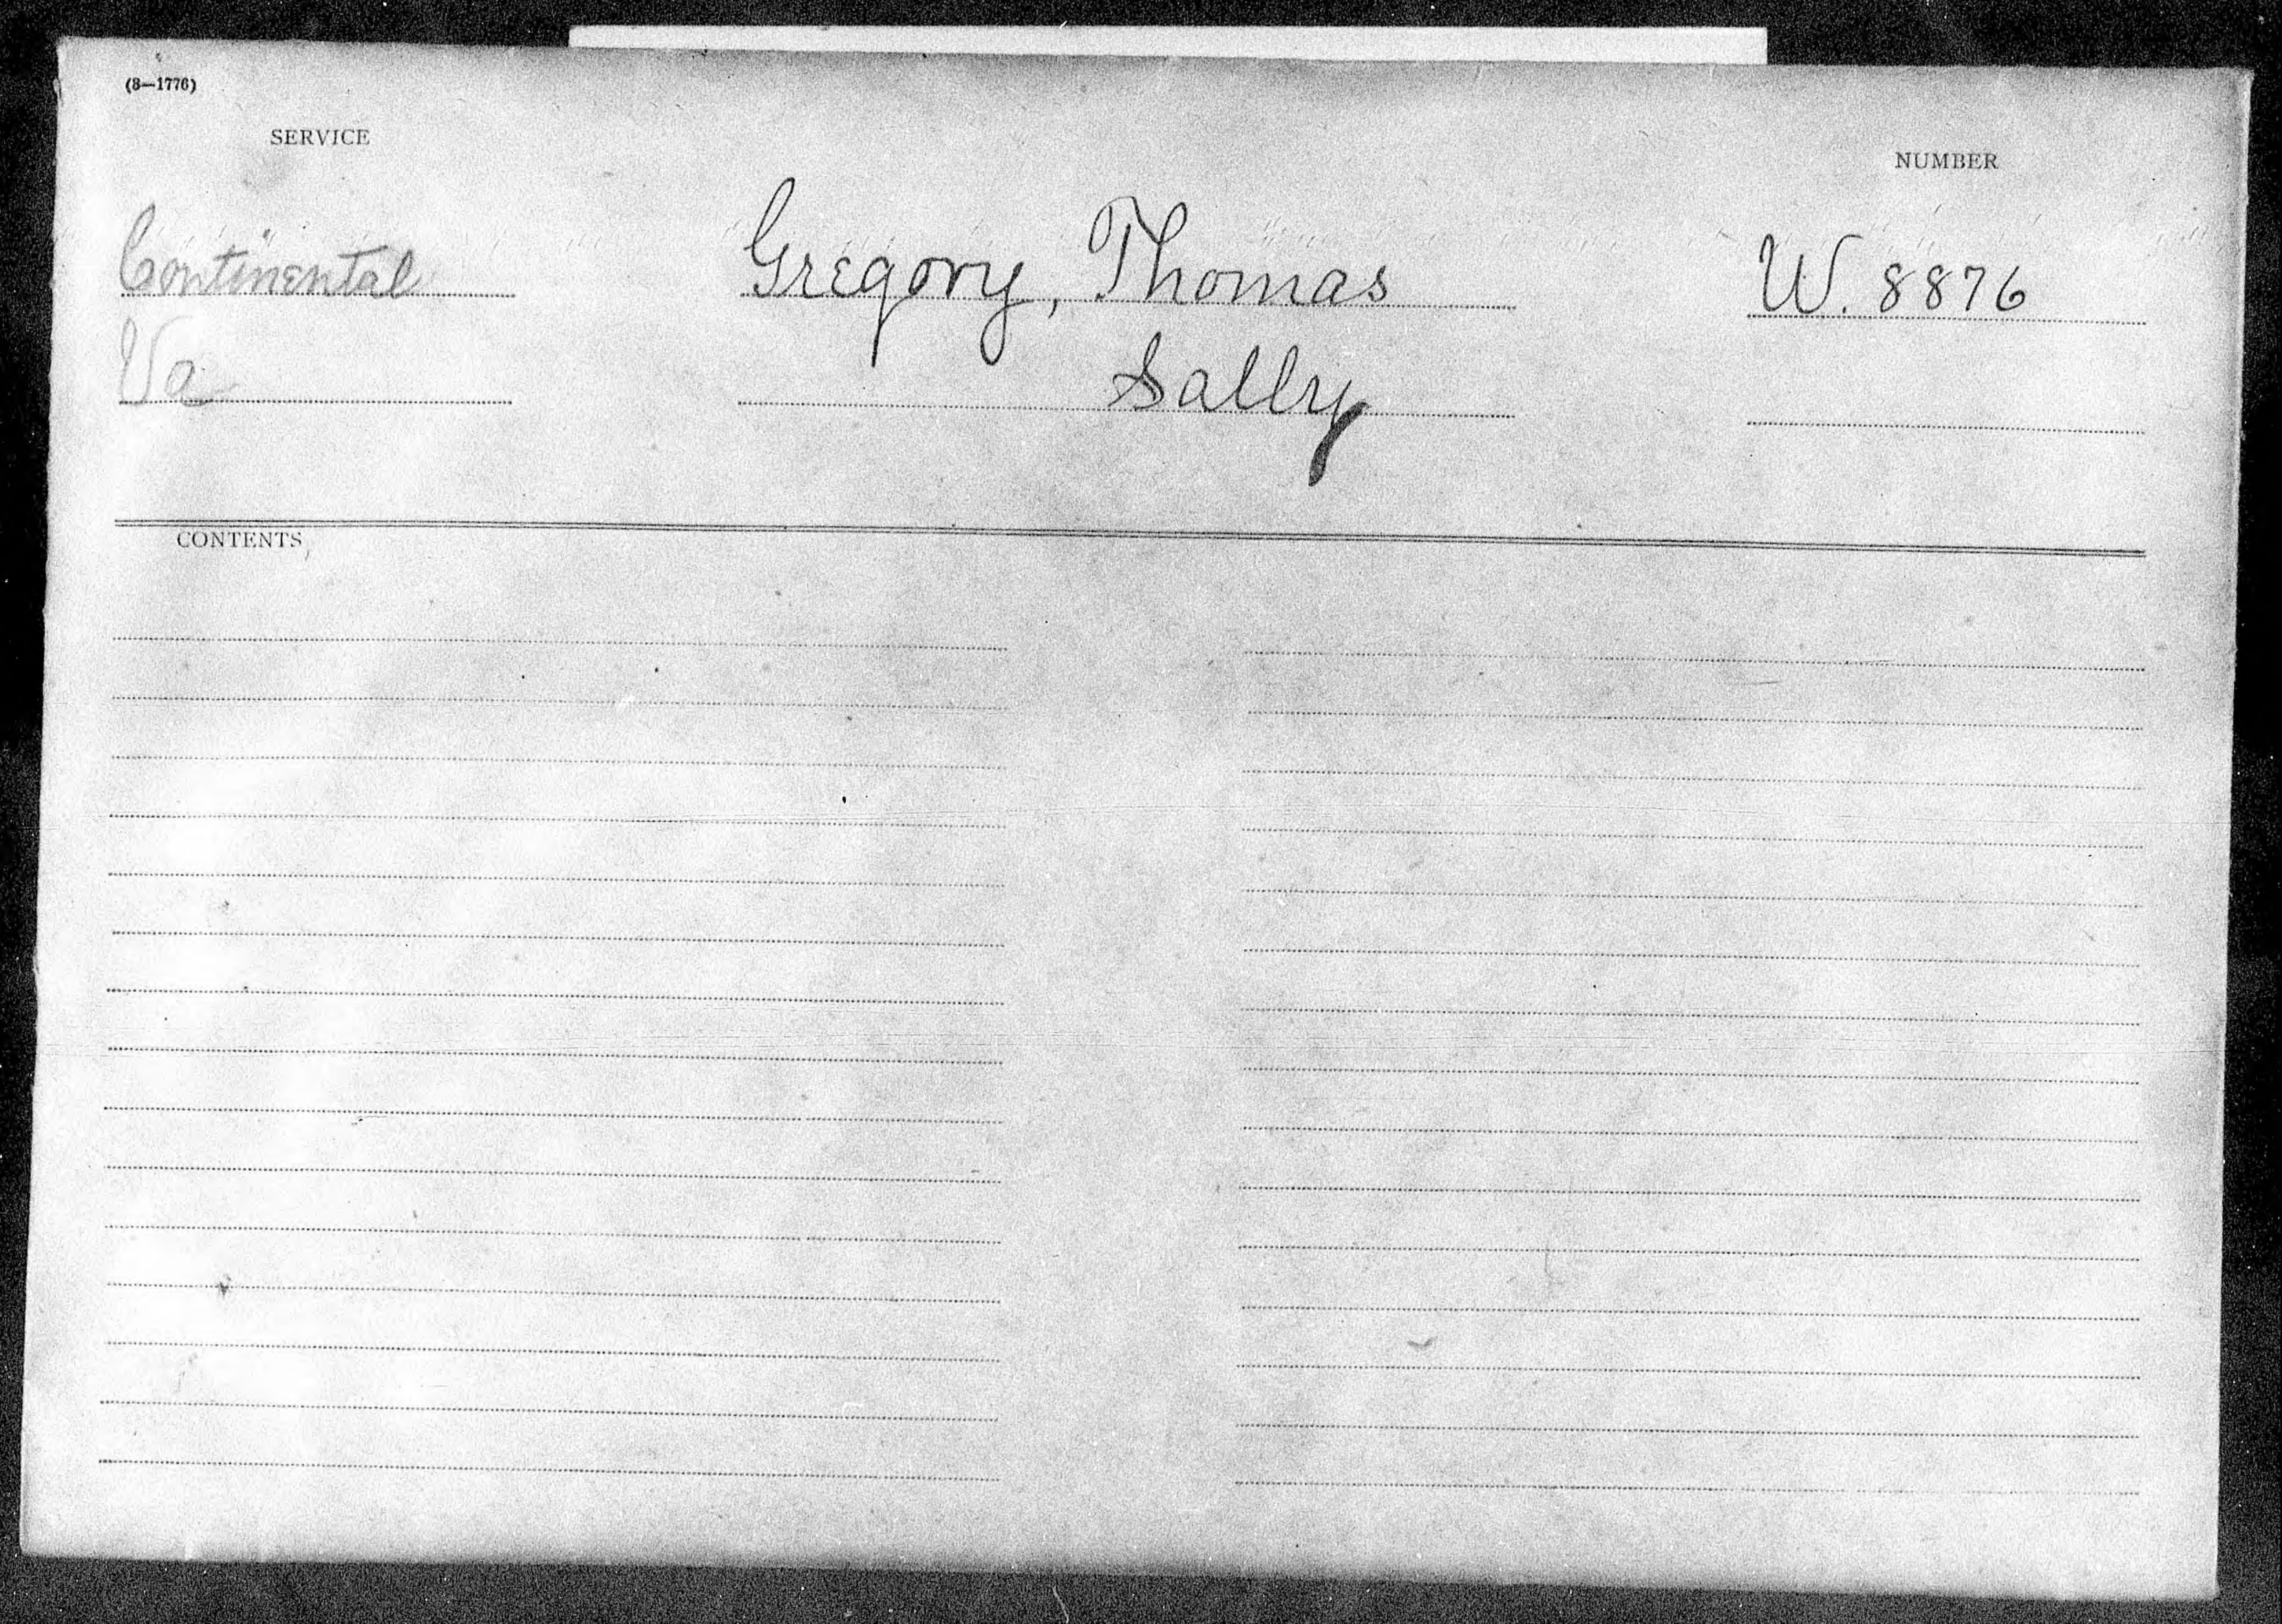SERVICE                                                      
                                                            

Continental Va         
Gregory, Thomas                           
Sally

NUMBER

W.8876

Contents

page: 1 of 75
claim: widow's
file: W. 8876, Thomas Gregory, Continental Va